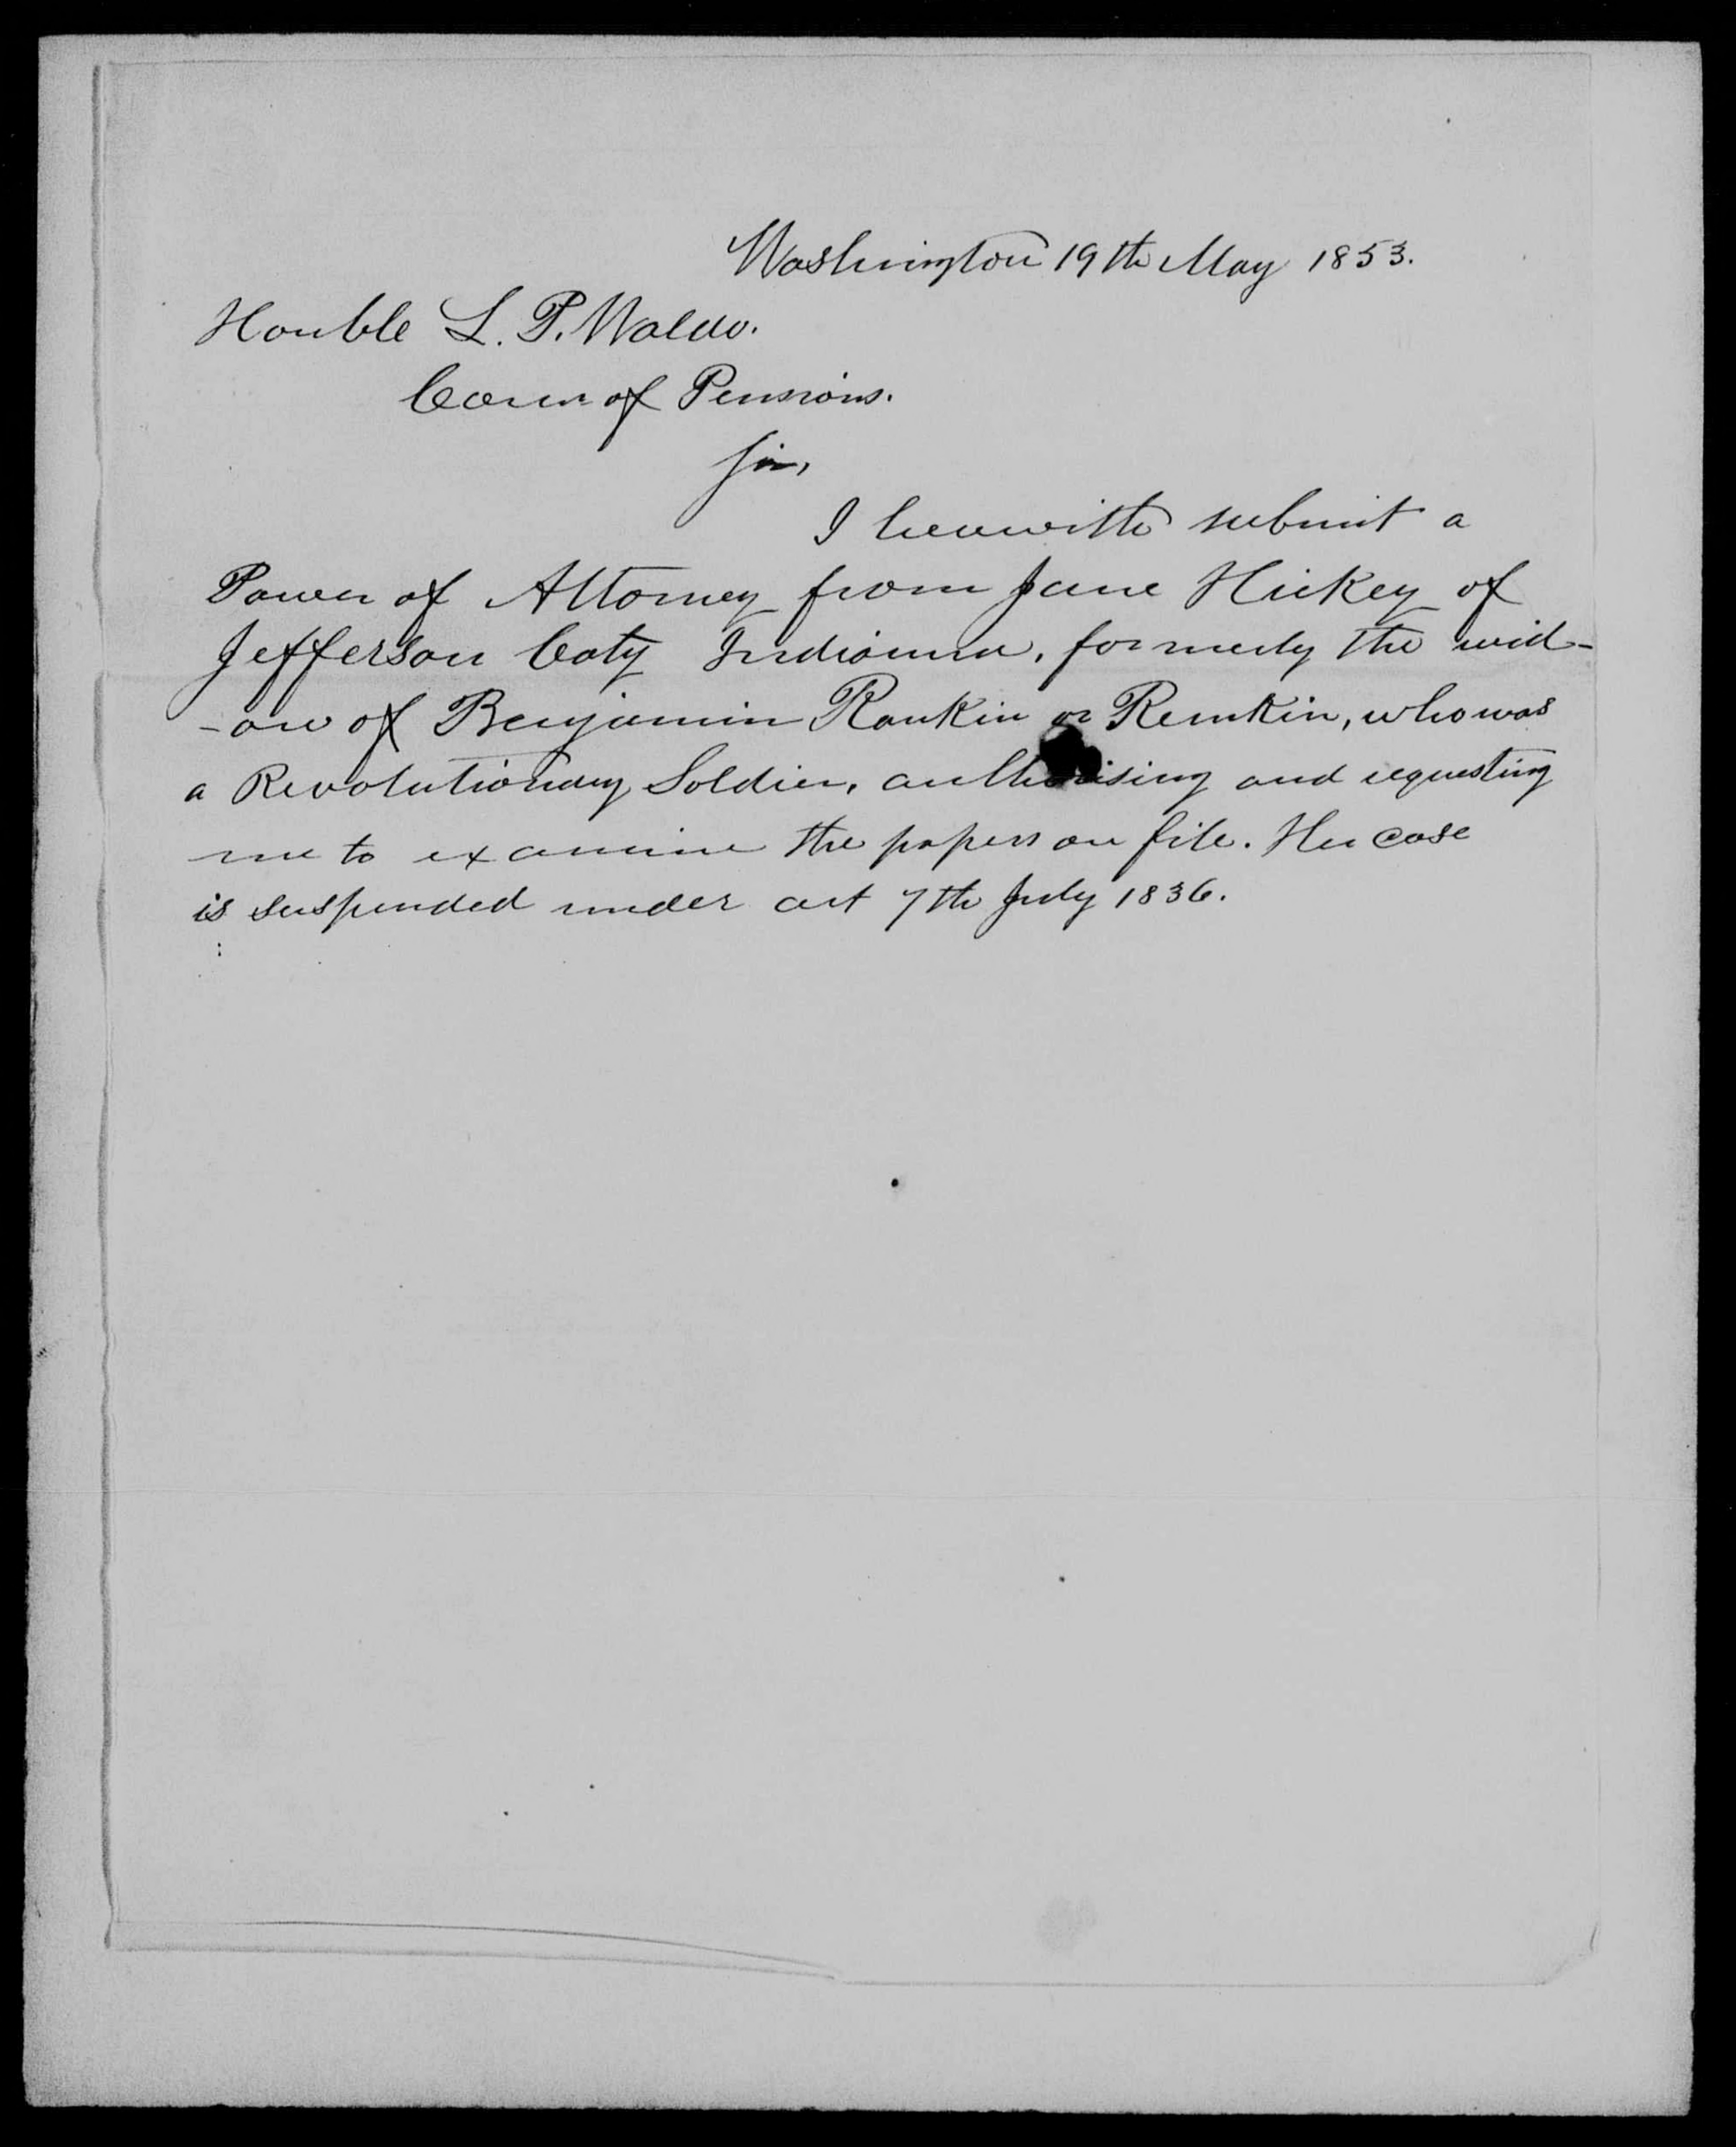Washington 19th May 1853
Houble L. P. Waldo
Comm of Pensions
Sir,
I herewith submit a Power of Attorney from June Hickey of Jefferson City Indiana, formerly the 
widow of Benjamin Rankin or Renkin, who was a
Revolutionary Soldier, authorizing and requesting
me to examine the papers on file. He case
is suspended under act 7th July 1836.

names: L P Waldo, Jane Hickey, Benjamin Rankin, Benjamin Runkin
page: 66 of 84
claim: widow's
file: W. 7744, Daniel Hickey, Penn.